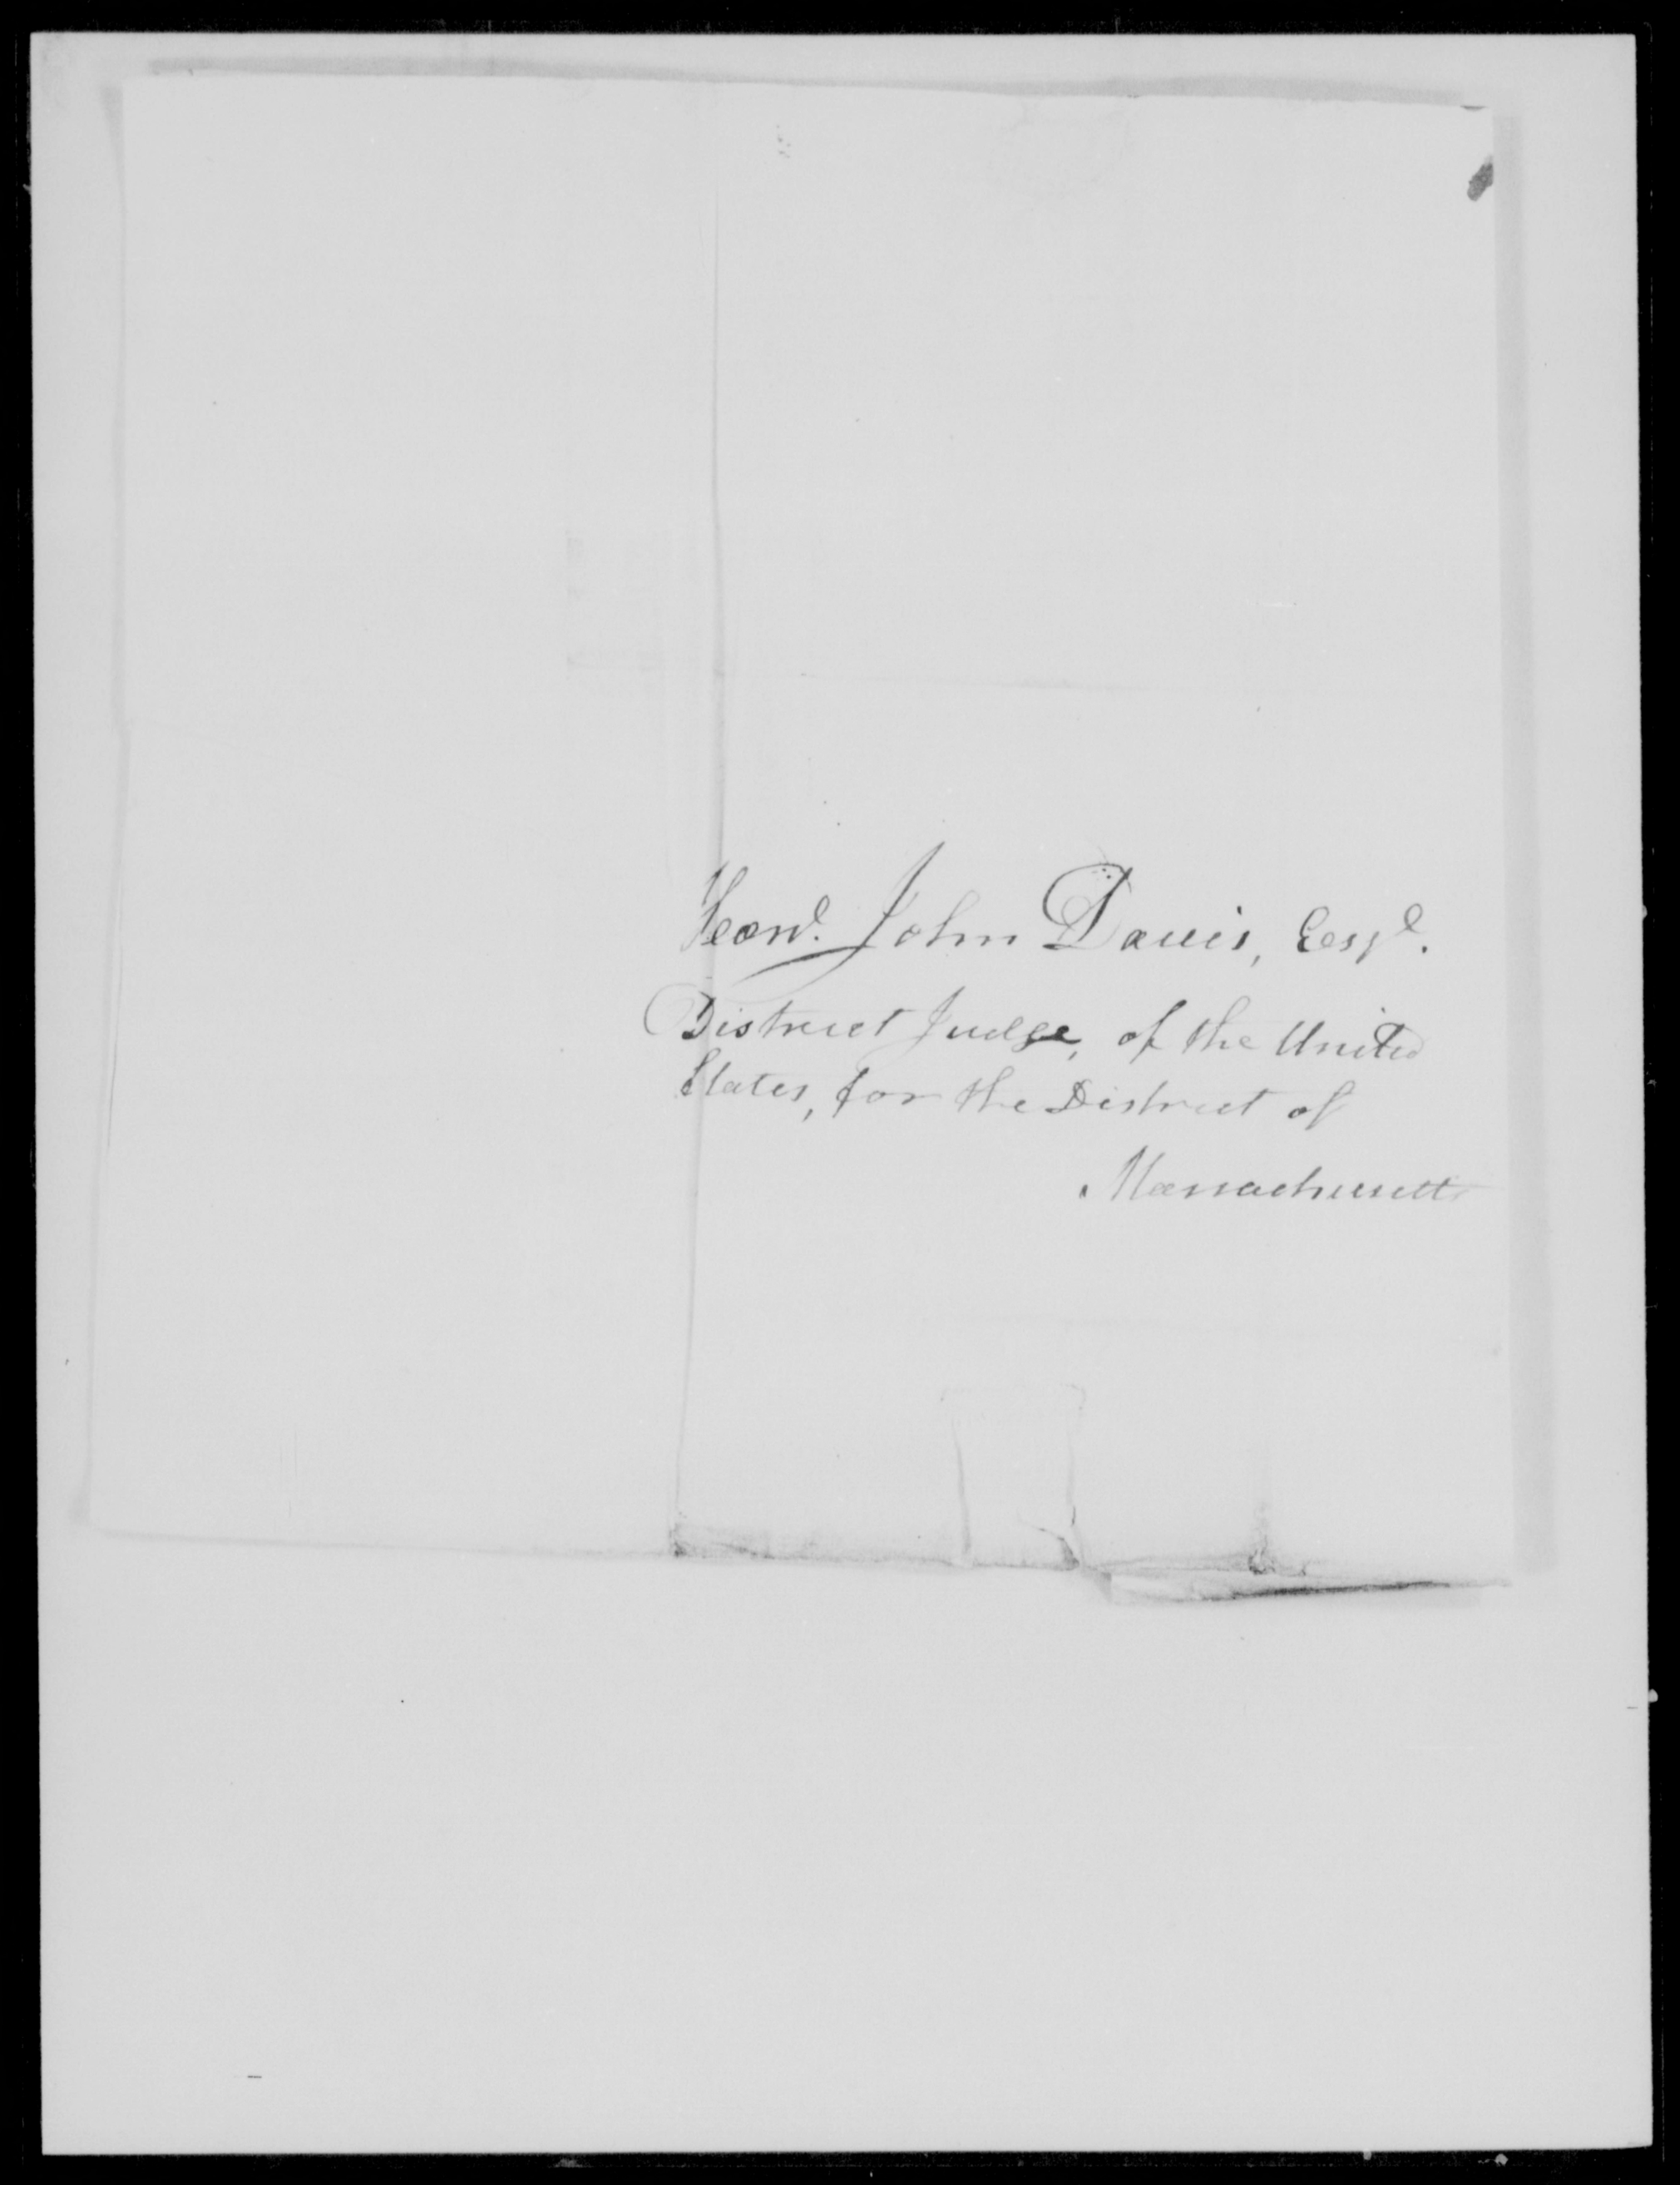Hon. John Davis, Esqr.
District Judge of the United States for the district of Massachusetts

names: John Davis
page: 9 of 14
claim: survivor's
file: S. 33888, Thomas Webb, Mass.